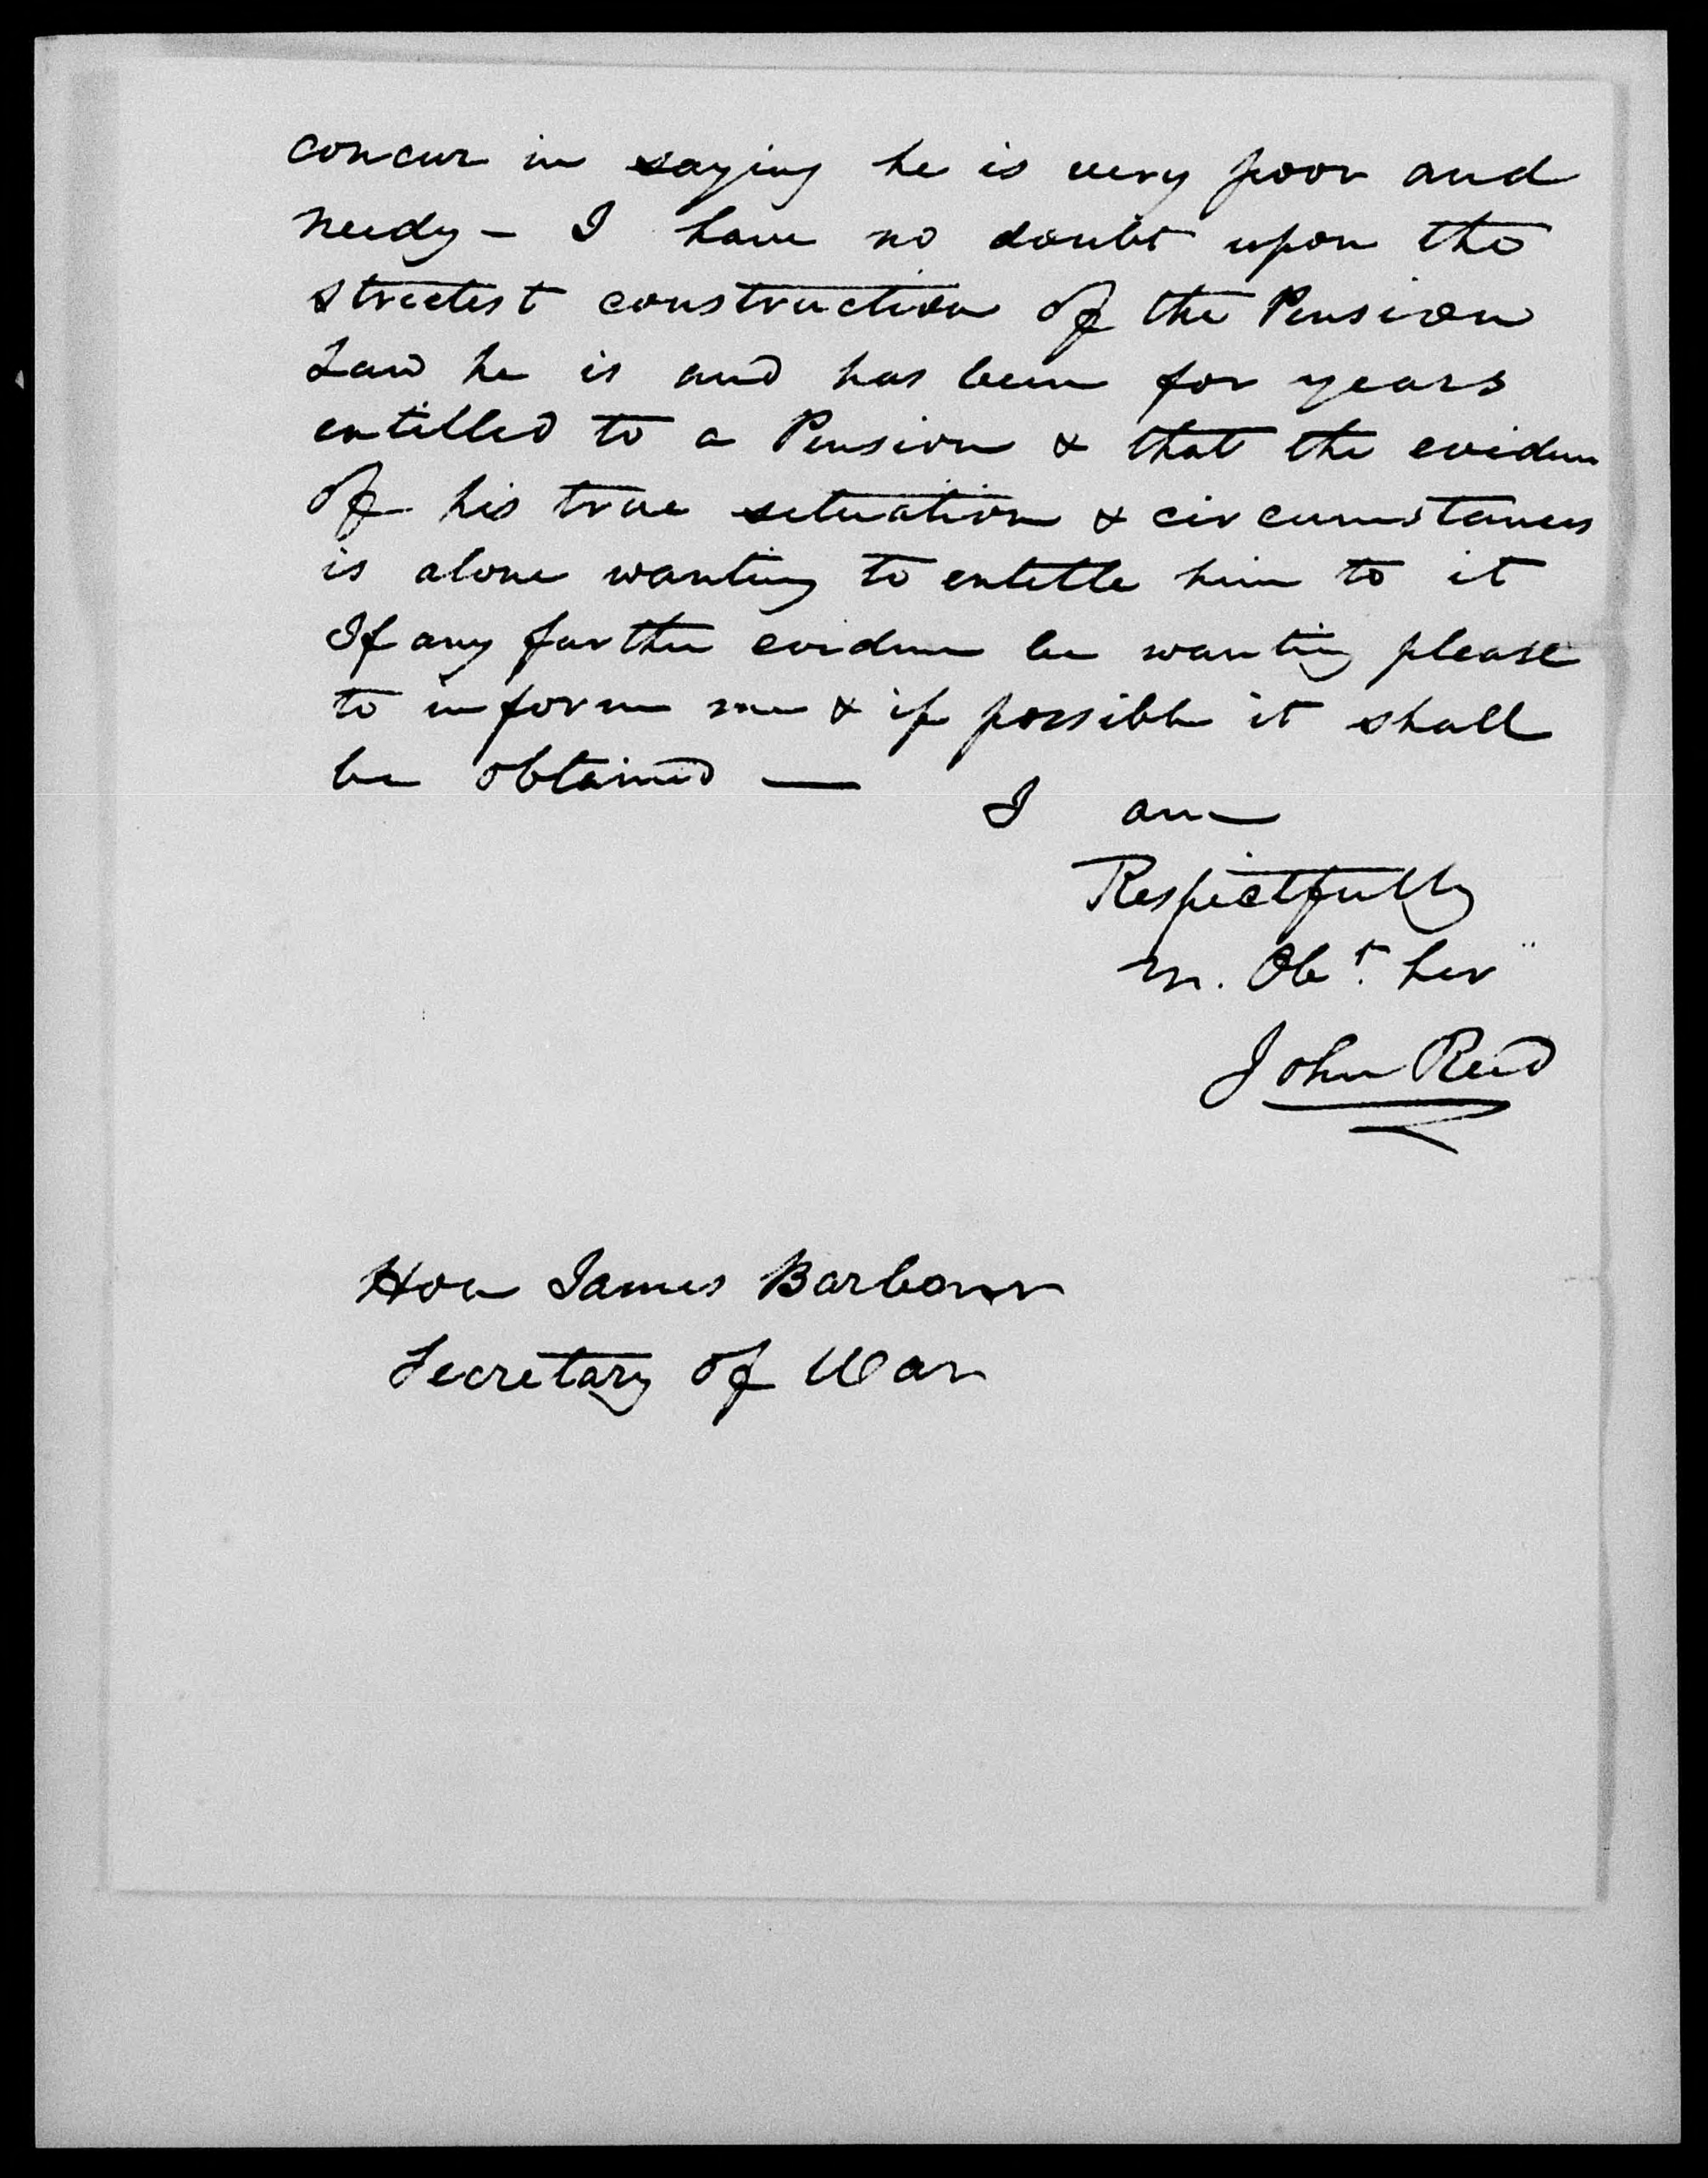concur in saying he is very poor and
needy. I have no doubt upon the
strictest construction of the Pension
Law he is and has been for years
entitled to a Pension & that the evidence
of his true situation & circumstances
is alone wanting to entitle him to it
If any further evidence be wanting please
to inform me & if possible it shall be obtained- 
I am
Respectfully
Yr. Obet Servt
John Reid

Hon James Barbour
Secretary of War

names: James Barboun; John Reed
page: 47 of 82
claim: widow's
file: W. 13,634, for Rufus Lincoln, Massachusetts